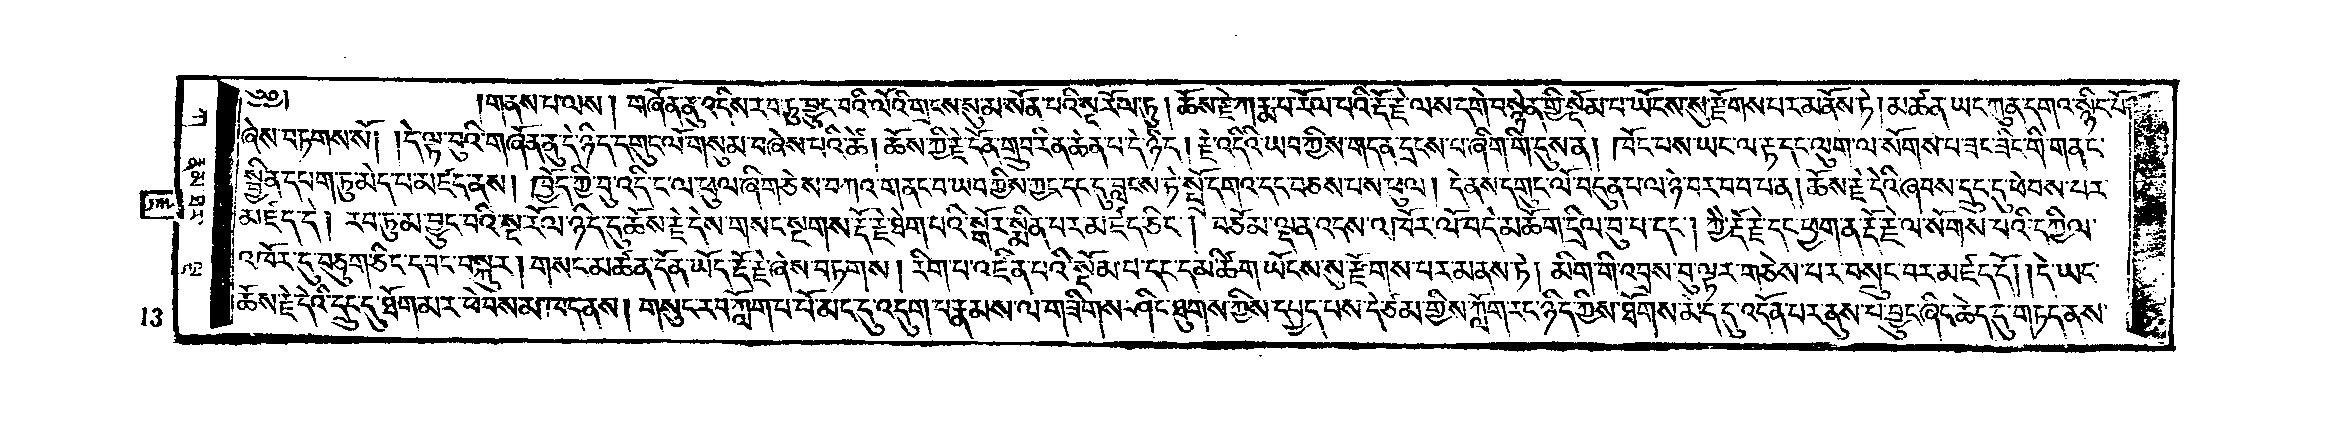༄༅། །གནས་པ་ལས། གཞོན་ནུ་འདིས་རབ་ཏུ་བྱུང་བའི་ལོའི་གྲངས་སུ་མ་སོན་པའི་སྔ་རོལ་ཏུ། ཆོས་རྗེ་ཀརྨ་པ་རོལ་པའི་རྡོ་རྗེ་ལས་དགེ་བསྙེན་གྱི་སྡོམ་པ་ཡོངས་སུ་རྫོགས་པར་མནོས་ཏེ། མཚན་ཡང་ཀུན་དགའ་སྙིང་པོ་
ཞེས་བཏགས་སོ། །དེ་ལྟ་བུའི་གཞོན་ནུ་དེ་ཉིད་དགུང་ལོ་གསུམ་བཞེས་པའི་ཚེ། ཆོས་ཀྱི་རྗེ་དོན་གྲུབ་རིན་ཆེན་པ་དེ་ཉིད། རྗེ་འདིའི་ཡབ་ཀྱིས་གདན་དྲངས་པ་ཞིག་གི་དུས་ན། ཁོང་པས་ཡང་ལ་རྟ་དང་ལུག་ལ་སོགས་པ་ཟང་ཟིང་གི་གནང་
སྦྱིན་དཔག་ཏུ་མེད་པ་མཛད་ནས། ཁྱོད་ཀྱི་བུ་འདི་ང་ལ་ཕུལ་ཞིག་ཅེས་བཀའ་གནང་བ་ཡབ་ཀྱིས་ཀྱང་དང་དུ་བླངས་ཏེ་སྤྲོ་དགའ་དང་བཅས་པས་ཕུལ། དེ་ནས་དགུང་ལོ་བདུན་པ་ལ་ཉེ་བར་བབ་པ་ན། ཆོས་རྗེ་དེའི་ཞབས་དྲུང་དུ་ཕེབས་པར་
མཛད་དེ། རབ་ཏུ་མ་བྱུང་བའི་སྔ་རོལ་ཉིད་དུ་ཆོས་རྗེ་དེས་གསང་སྔགས་རྡོ་རྗེ་ཐེག་པའི་སྒོར་སྨིན་པར་མཛད་ཅིང་། བཅོམ་ལྡན་འདས་འཁོར་ལོ་བདེ་མཆོག་དྲིལ་བུ་པ་དང་། ཀྱཻ་རྡོ་རྗེ་དང་ཕྱག་ན་རྡོ་རྗེ་ལ་སོགས་པའི་དཀྱིལ་
འཁོར་དུ་བཅུག་ཅིང་དབང་བསྐུར་།གསང་མཚན་དོན་ཡོད་རྡོ་རྗེ་ཞེས་བཏགས། རིག་པ་འཛིན་པའི་སྡོམ་པ་དང་དམ་ཚིག་ཡོངས་སུ་རྫོགས་པར་མནས་ཏེ། མིག་གི་འབྲས་བུ་ལྟར་གཅེས་པར་བསྲུང་བར་མཛད་དོ། །དེ་ཡང་
ཆོས་རྗེ་དེའི་དྲུང་དུ་ཐོག་མར་འཕེབས་མ་ཁད་ནས། གསུང་རབ་ཀློག་པ་པོ་མང་དུ་འདུག་པ་རྣམས་ལ་གཟིགས་ཤིང་ཐུགས་ཀྱིས་དཔྱད་པས་དེ་ཙམ་གྱིས་ཀློག་རང་ཉིད་ཀྱིས་ཐོགས་མེད་དུ་འདོན་པར་ནུས་པ་བྱུང་ཞིང་ཆེད་དུ་གཏད་ནས་